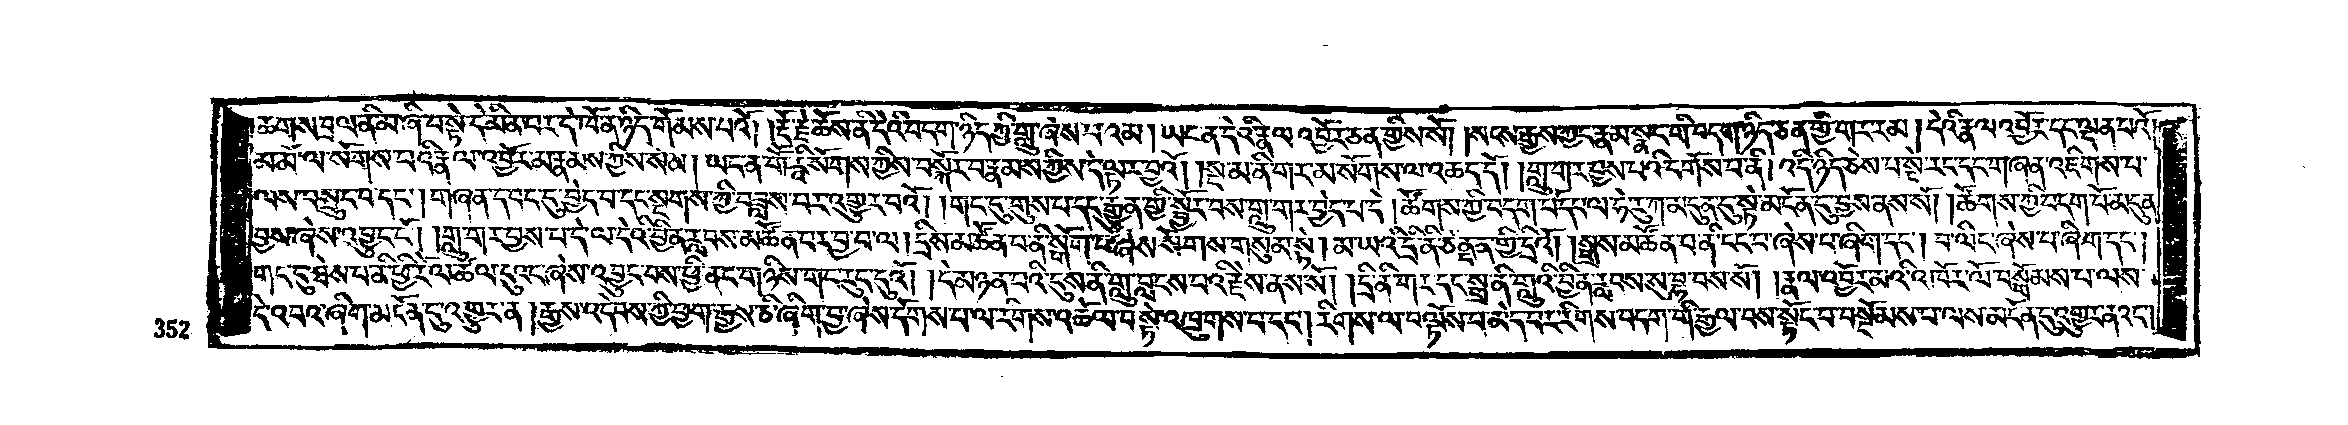ཆགས་བྲལ་ནི་མ་ཞི་བ་སྟེ་དེ་མིན་པར་དེ་ཁོ་ན་ཉིད་གོམས་པའོ། །རྡོ་རྗེ་ཆོས་ནི་དེའི་བདག་ཉིད་ཀྱི་གླུ་ཞེས་པའམ། ཡང་ན་དེའི་རྣལ་འབྱོར་ཅན་གྱིས་སོ། །སངས་རྒྱས་ཀྱང་རྣམ་སྣང་གི་བདག་ཉིད་ཅན་གྱི་གར་རམ། དེའི་རྣལ་འབྱོར་དང་ལྡན་པའོ།
མ་མོ་ལ་སོགས་པའི་རྣལ་འབྱོར་མ་རྣམས་ཀྱིས་སམ། ?་ཡང་ན་གཽ་རཱི་སོགས་ཀྱིས་བསྐོར་བ་རྣམས་ཀྱིས་དེ་ལྟར་བྱའོ། །སྔ་མ་ནི་གར་མ་སོགས་ལ་འཆད་དོ། །གླུ་གར་བྱས་པའི་དགོས་པ་ནི། འདི་ཉིད་ཅེས་པ་སྡེ་རང་དང་གཞན་འཇིགས་པ་
ལས་བསྲུང་བ་དང་། གཞན་དབང་དུ་བྱེད་པ་དང་སྔགས་ཀྱི་བཟླས་པར་འགྱུར་བའོ། །གང་དུ་གུས་པ་དང་རྒྱུན་ཀྱི་སྦྱོར་བས་གླུ་གར་བྱེད་པ་དེ། ཚོགས་ཀྱི་བདག་པོ་དཔལ་ཧེ་རུ་ཀ་མདུན་དུ་སྟེ་མངོན་དུ་བྱས་ནས་སོ། །ཚོགས་ཀྱི་བདག་པོ་མདུན་
བྱས་ཞེས་འབྱུང་ངོ། །གླུ་གར་བྱས་པ་དེ་ལ་དེའི་བྱིན་རླབས་མཚོན་པར་བྱ་བ་ལ། དྲིས་མཚོན་པ་ནི་སྒོག་པ་ཞེས་སོགས་གསུམ་སྟེ། མ་ཡའི་དྲི་ནི་ཙནྡན་གྱི་དྲིའོ། །སྒྲས་མཚོན་པ་ནི་ངན་པ་ཞེས་པ་ཞིག་དང་། བ་ལིང་ཞེས་པ་ཞིག་དང་།
གང་དུ་ཐེས་པ་ནི་ཕྱི་རོལ་ཚལ་དུའང་ཞེས་འབྱུང་བས་ཕྱི་ནང་གཉིས་གང་རུང་དུའོ། །དེ་མཉན་པའི་དུས་ནི་གླུ་བླངས་པའི་རྗེས་ནས་སོ། །དྲི་ནི་གར་དང་སྒྲ་ནི་གླུའི་བྱིན་རླབས་སུ་བྷ་བས་སོ། །རྣལ་འབྱོར་མའི་འཁོར་ལོ་བསྒོམས་པ་ལས་
དེ་འབའ་ཞིག་མངོན་དུ་འགྱུར་ན། རྒྱས་འདེབས་ཀྱི་ཕྱག་རྒྱས་ཅི་ཞིག་བྱ་ཞེས་དོགས་པ་ལ་རིགས་འཆོལ་བ་སྟེ་འཁྲུགས་པ་དང་། རིགས་ལ་བལྟོས་པ་མེད་པར་རིགས་བདག་གི་རྒྱལ་བས་སྟོང་པ་བསྡོམས་པ་ལས་མངོན་དུ་འགྱུར་ནའང་།